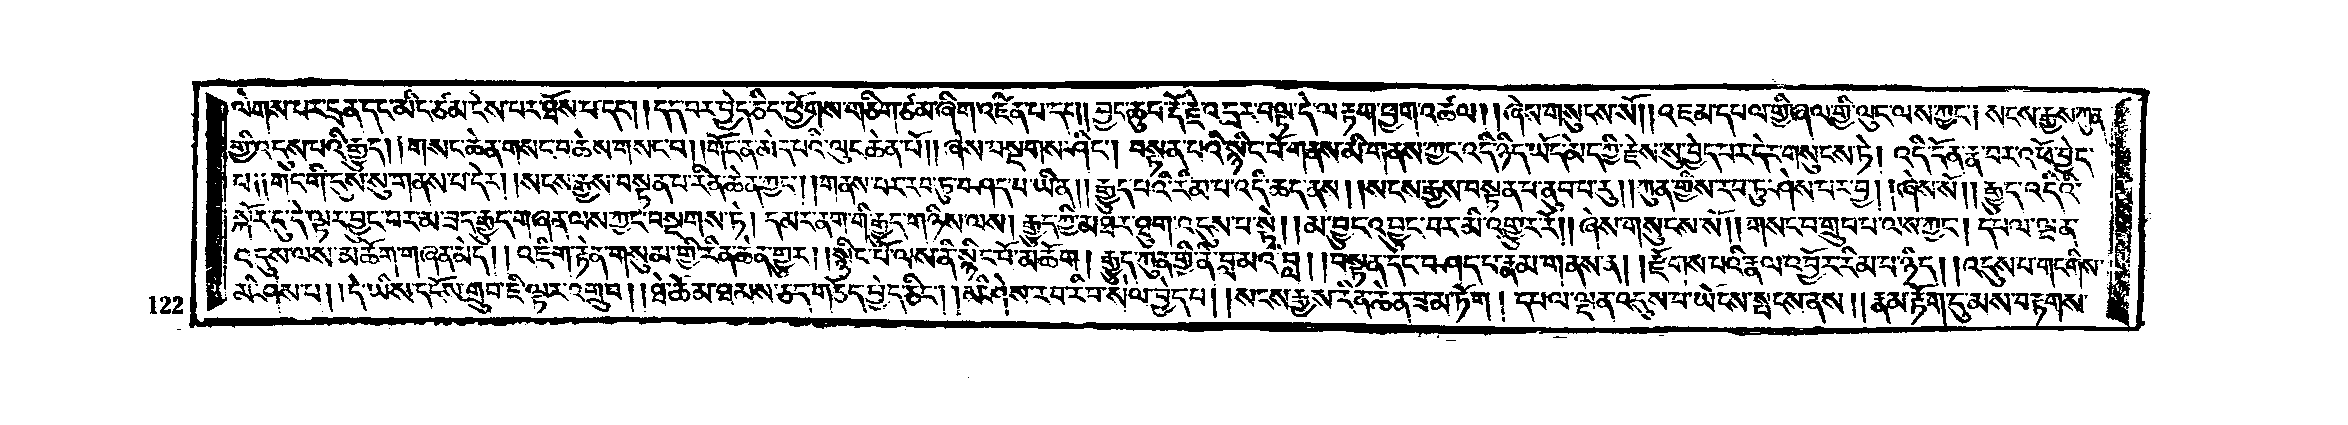ལེགས་པར་དྲན་དང་མིང་ཙམ་ངེས་པར་ཐོས་པ་དང་། །དད་པར་བྱེད་ཅིང་ཕྱོགས་གཅིག་ཙམ་ཞིག་འཛིན་པ་དང་། །བྱང་ཆུབ་རྡོ་རྗེ་འདྲར་བལྟ་དེ་ལ་རྟག་ཕྱག་འཚལ། །ཞེས་གསུངས་སོ། །འཇམ་དཔལ་གྱི་ཞལ་གྱི་ལུང་ལས་ཀྱང་། སངས་རྒྱས་ཀུན་
གྱི་འདུས་པའི་རྒྱུད། །གསང་ཆེན་གསང་བ་ཆེས་གསང་བ། །གོང་ན་མེད་པའི་ལུང་ཆེན་པོ། །ཞེས་བསྔགས་ཤིང་། བསྟན་པའི་སྙིང་པོ་གནས་མི་གནས་ཀྱང་འདི་ཉིད་ཡོད་མེད་ཀྱི་རྗེས་སུ་བྱེད་པར་དེར་གསུངས་ཏེ། འདི་དོན་རྣ་བར་འཕོ་བྱེད་
པ༑ ༑གང་གི་དུས་སུ་གནས་པ་དེར། །སངས་རྒྱས་བསྟན་པ་རིན་ཆེན་ཀྱང་། །གནས་པར་རབ་ཏུ་བཤད་པ་ཡིན། །རྒྱུད་པའི་རིམ་པ་འདི་ཆད་ནས། །སངས་རྒྱས་བསྟན་པ་ནུབ་པ་རུ། །ཀུན་གྱིས་རབ་ཏུ་ཤེས་པར་བྱ། །ཞེས་སོ། །རྒྱུད་འདིའི་
སྐོར་དུ་དེ་ལྟར་བྱུང་བར་མ་ཟད་རྒྱུད་གཞན་ལས་ཀྱང་བསྔགས་ཏེ། དམར་ནག་གི་རྒྱུད་གཉིས་ལས། རྒྱུད་ཀྱི་མཐར་ཐུག་འདུས་པ་སྟེ། །མ་བྱུང་འབྱུང་བར་མི་འགྱུར་རོ། །ཞེས་གསུངས་སོ། །གསང་བ་གྲུབ་པ་ལས་ཀྱང་། དཔལ་ལྡན་
འདུས་ལས་མཆོག་གཞན་མེད། །འཇིག་རྟེན་གསུམ་གྱི་རིན་ཆེན་གྱུར། །སྙིང་པོ་ལས་ནི་སྙིང་པོ་མཆོག །རྒྱུད་ཀུན་གྱི་ནི་བླ་མའི་བླ། །བསྟན་དང་བཤད་པ་རྣམ་གནས་ན། །རྫོགས་པའི་རྣལ་འབྱོར་རིམ་པ་ཉིད། །འདུས་པ་གང་གིས་
མི་ཤེས་པ། །དེ་ཡིས་དངོས་གྲུབ་ཇི་ལྟར་འགྲུབ། །ཐེ་ཚོམ་ཐམས་ཅད་གཅོད་བྱེད་ཅིང་། །མི་ཤེས་རབ་རིམ་སེལ་བྱེད་པ། །སངས་རྒྱས་རིན་ཆེན་ཟ་མ་ཏོག །དཔལ་ལྡན་འདུས་པ་ཡོངས་སྤངས་ནས། །རྣམ་རྟོག་དུ་མས་བརྟགས་